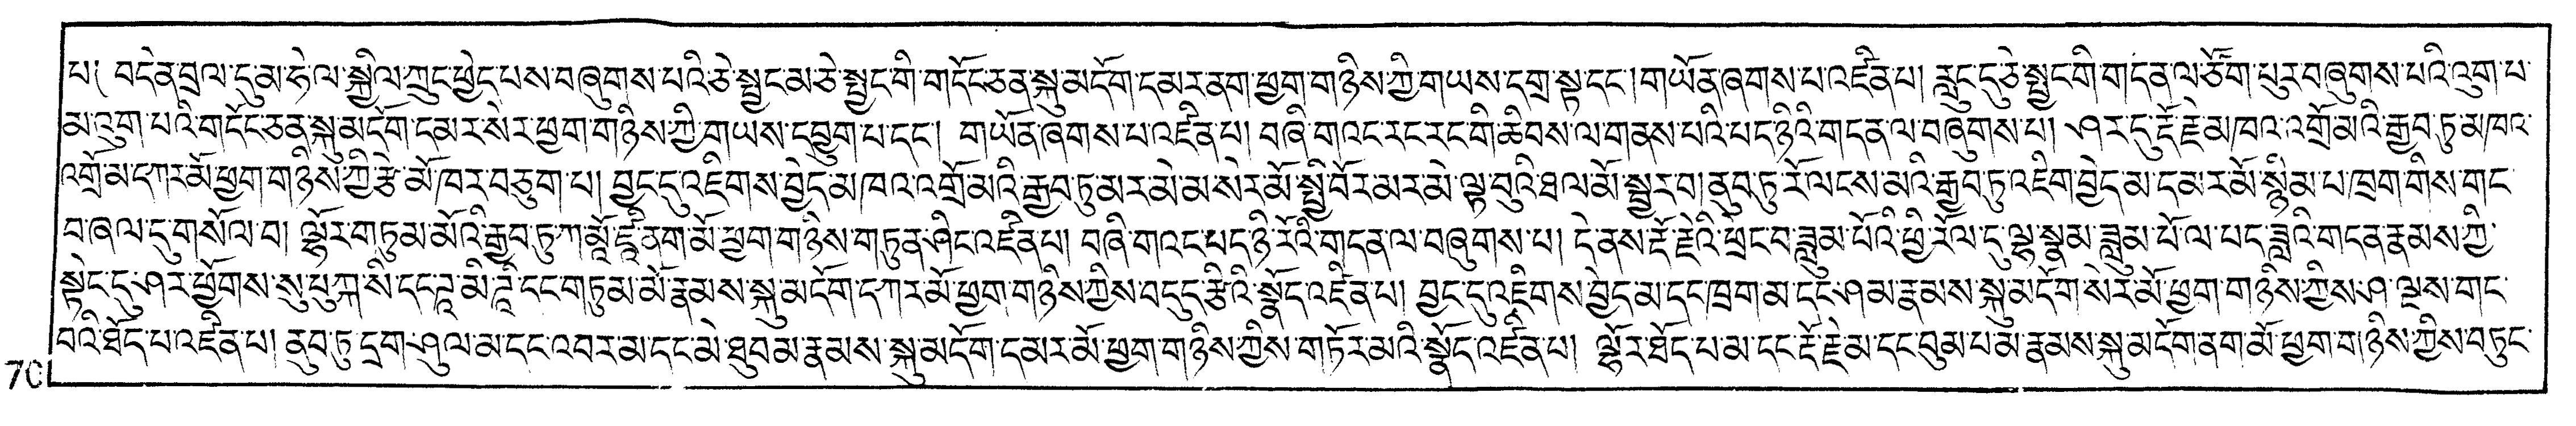པ། བདེན་བྲལ་དུ་མ་ཧེ་ལ་སྐྱིལ་ཀྲུང་ཕྱེད་པས་བཞུགས་པའི་ཅེ་སྤྱང་མ་ཅེ་སྤྱང་གི་གདོང་ཅན་སྐུ་མདོག་དམར་ནག་ཕྱག་གཉིས་ཀྱི་གཡས་དགྲ་སྟ་དང་། གཡོན་ཞགས་པ་འཛིན་པ། རླུང་དུ་ཅེ་སྤྱང་གི་གདན་ལ་ཙོག་པུར་བཞུགས་པའི་འུག་པ་
མ་འུག་པའི་གདོང་ཅན་སྐུ་མདོག་དམར་སེར་ཕྱག་གཉིས་ཀྱི་གཡས་དབྱུག་པ་དང་། གཡོན་ཞགས་པ་འཛིན་པ། བཞི་གའང་རང་རང་གི་ཆིབས་ལ་གནས་པའི་པད་ཉིའི་གདན་ལ་བཞུགས་པ། ཤར་དུ་རྡོ་རྗེ་མཁའ་འགྲོ་མའི་རྒྱབ་ཏུ་མཁའ་
འགྲོ་མ་དཀར་མོ་ཕྱག་གཉིས་ཀྱི་རྩེ་མོ་ཁར་བཅུག་པ། བྱང་དུ་འཇིགས་བྱེད་མཁའ་འགྲོ་མའི་རྒྱབ་ཏུ་མར་མེ་མ་སེར་མོ་སྤྱི་བོར་མར་མེ་ལྟ་བུའི་ཐལ་མོ་སྦྱར་བ། ནུབ་ཏུ་རོ་ལངས་མའི་རྒྱབ་ཏུ་འཇིག་བྱེད་མ་དམར་མོ་སྙིམ་པ་ཁྲག་གིས་གང་
བ་ཞལ་དུ་གསོལ་བ། ལྷོར་གཏུམ་མོའི་རྒྱབ་ཏུ་ཀ་མO་ཛཱི་ནག་མོ་ཕྱག་གཉིས་གཏུན་ཤིང་འཛིན་པ། བཞི་གའང་པད་ཉི་རོའི་གདན་ལ་བཞུགས་པ། དེ་ནས་རྡོ་རྗེའི་ཕྲེང་བ་ཟླུམ་པོའི་ཕྱི་རོལ་དུ་ལྷ་སྣམ་ཟླུམ་པོ་ལ་པད་ཟླའི་གདན་རྣམས་ཀྱི་
སྟེང་དུ་ཤར་ཕྱོགས་སུ་པུཀྐ་སི་དང་ཌཱ་མི་ཌཱི་དང་གཏུམ་མོ་རྣམས་སྐུ་མདོག་དཀར་མོ་ཕྱག་གཉིས་ཀྱིས་བདུད་རྩིའི་སྣོད་འཛིན་པ། བྱང་དུ་འཇིགས་བྱེད་མ་དང་ཁྲག་མ་དང་ཤམ་རྣམས་སྐུ་མདོག་སེར་མོ་ཕྱག་གཉིས་ཀྱིས་ཤ་ལྔས་གང་
བའི་ཐོད་པ་འཛིན་པ། ནུབ་ཏུ་དྲག་ཤུལ་མ་དང་འབར་མ་དང་མེ་ཐུབ་མ་རྣམས་སྐུ་མདོག་དམར་མོ་ཕྱག་གཉིས་ཀྱིས་གཏོར་མའི་སྣོད་འཛིན་པ། ལྷོར་ཐོད་པ་མ་དང་རྡོ་རྗེ་མ་དང་བུམ་པ་མ་རྣམས་སྐུ་མདོག་ནག་མོ་ཕྱག་གཉིས་ཀྱིས་བཏུང་